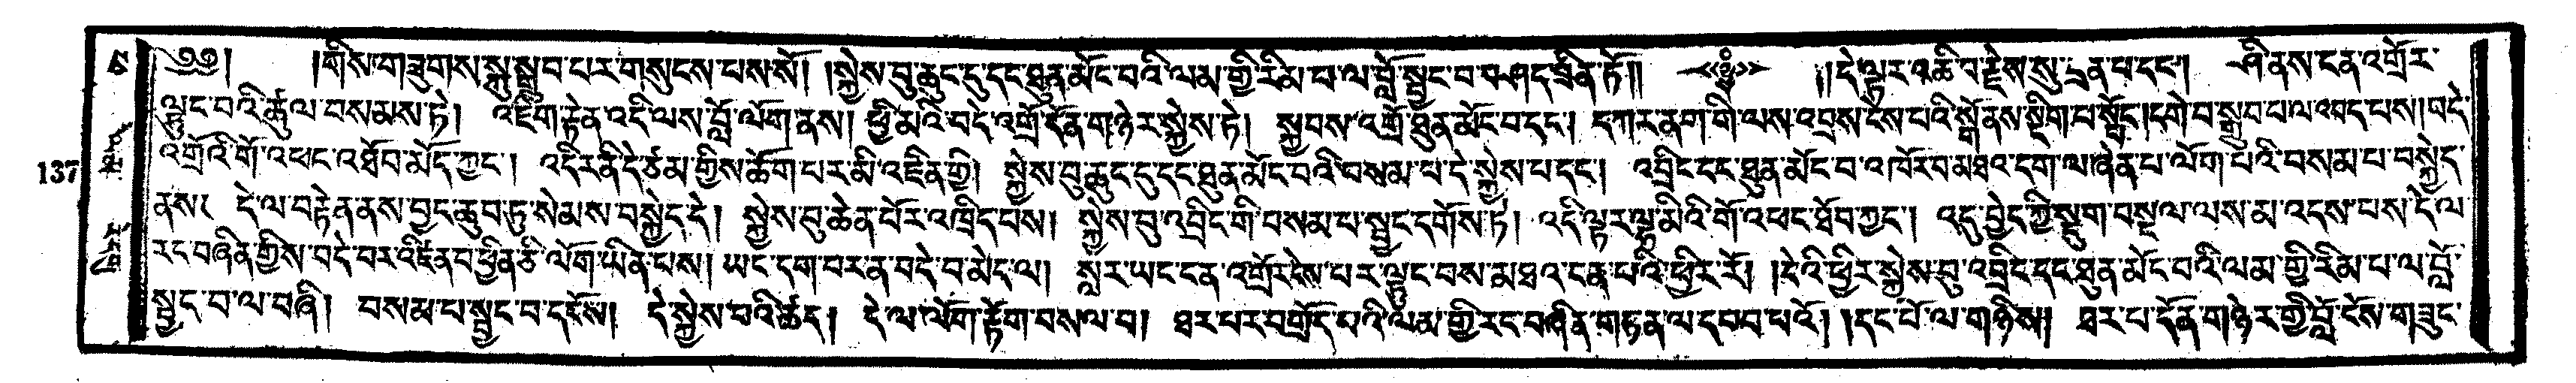ལྟུང་བའི་ཚུལ་བསམས་ཏེ། འཇིག་རྟེན་འདི་ལས་བློ་ལོག་ནས། ཕྱི་མའི་བདེ་འགྲོ་དོན་གཉེར་སྐྱེས་ཏེ། སྐྱབས་འགྲོ་ཐུན་མོང་བ་དང་། དཀར་ནག་གི་ལས་འབྲས་ངེས་པའི་སྒོ་ནས་སྡིག་པ་སྤོང་། དགེ་བ་སྒྲུབ་པ་ལ་འབད་པས། བདེ་
འགྲོའི་གོ་འཕང་འཐོབ་མོད་ཀྱང་། འདིར་ནི་དེ་ཙམ་གྱིས་ཆོག་པར་མི་འཛིན་གྱི། སྐྱེས་བུ་ཆུང་དུ་དང་ཐུན་མོང་བའི་བསམ་པ་དེ་སྐྱེས་པ་དང་། འབྲིང་དང་ཐུན་མོང་བ་འཁོར་བ་མཐའ་དག་ལ་ཞེན་པ་ལོག་པའི་བསམ་པ་བསྐྱེད་
ནས༑ དེ་ལ་བརྟེན་ནས་བྱང་ཆུབ་ཏུ་སེམས་བསྐྱེད་དེ། སྐྱེས་བུ་ཆེན་པོར་འཁྲིད་པས། སྐྱེས་བུ་འབྲིང་གི་བསམ་པ་སྦྱང་དགོས་ཏེ། འདི་ལྟར་ལྷ་མིའི་གོ་འཕང་ཐོབ་ཀྱང་། འདུ་བྱེད་ཀྱི་སྡུག་བསྔལ་ལས་མ་འདས་པས་དེ་ལ་
རང་བཞིན་གྱིས་བདེ་བར་འཛིན་པ་ཕྱིན་ཅི་ལོག་ཡིན་པས། ཡང་དག་པར་ན་བདེ་བ་མེད་ལ། སླར་ཡང་ངན་འགྲོར་ངེས་པར་ལྟུང་བས་མཐའ་ངན་པའི་ཕྱིར་རོ། །དེའི་ཕྱིར་སྐྱེས་བུ་འབྲིང་དང་ཐུན་མོང་བའི་ལམ་གྱི་རིམ་པ་བློ་
སྦྱང་བ་ལ་བཞི། བསམ་པ་སྦྱང་བ་དངོས། དེ་སྐྱེས་བའི་ཚད། དེ་ལ་ལོག་རྟོག་བསལ་བ། ཐར་པར་བགྲོད་པའི་ལམ་གྱི་རང་བཞིན་གཏན་ལ་དབབ་པའོ། །དང་པོ་ལ་གཉིས། ཐར་པ་དོན་གཉེར་གྱི་བློ་ངོས་གཟུང་